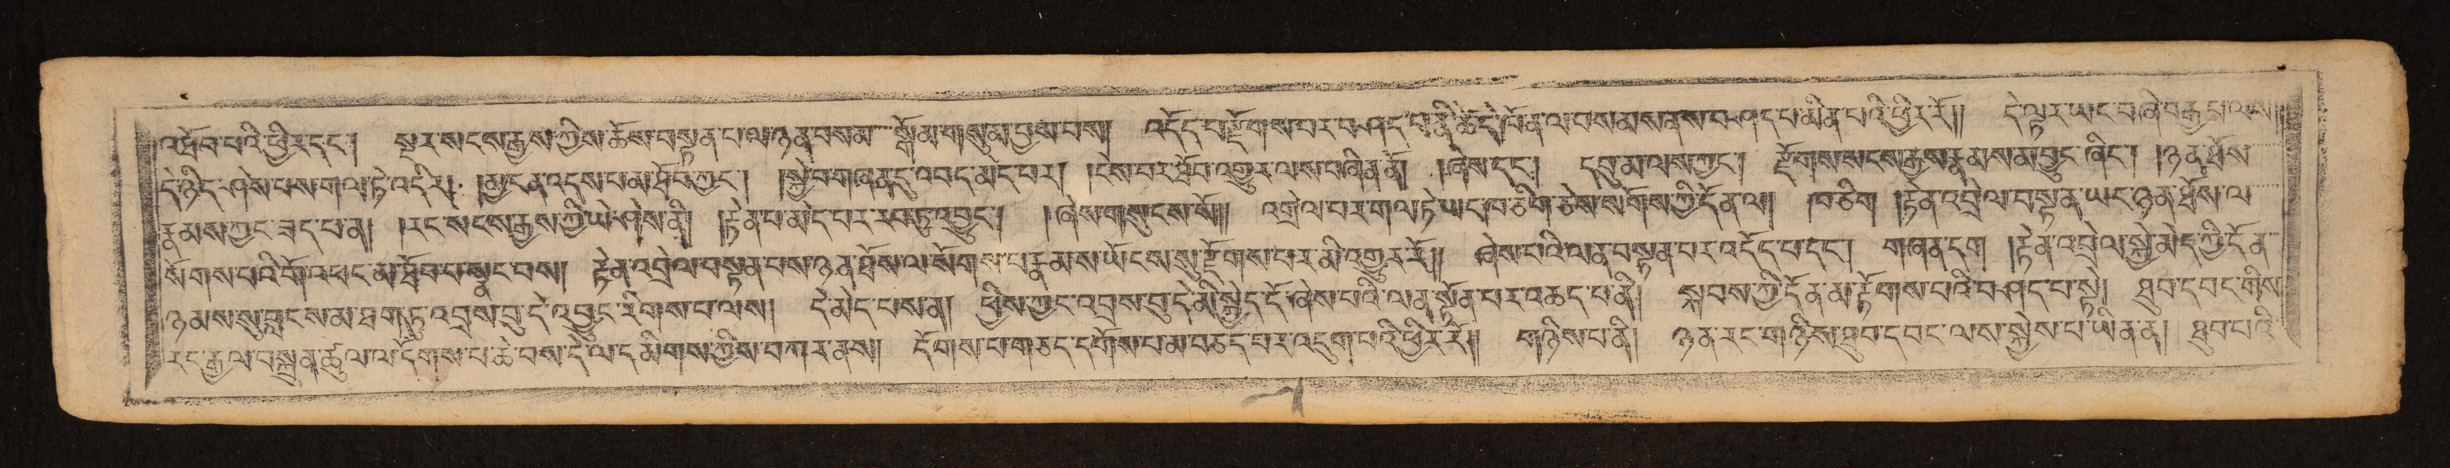འཐོབ་པའི་ཕྱིར་དང་། སྔར་སངས་རྒྱས་ཀྱིས་ཆོས་བསྟན་པ་ལ་ཉན་བསམ་བསྒོམ་གསུམ་བྱས་པས། འདོད་པ་རྫོགས་པར་བཤད་པ་ནི་ཚེ་དེ་ཁོ་ན་ལ་བསམས་ནས་བཤད་པ་མིན་པའི་ཕྱིར་རོ།། དེ་ལྟར་ཡང་བཞི་བརྒྱ་པ་ལས།
དེ་ཉིད་ཤེས་པས་གལ་ཏེ་འདིར། །མྱ་ངན་འདས་པ་མ་ཐོབ་ཀྱང་། །སྐྱེ་བ་གཞན་དུ་འབད་མེད་པར། །ངེས་པར་ཐོབ་འགྱུར་ལས་བཞིན་ནོ། །ཞེས་དང་། དབུ་མ་ལས་ཀྱང་། རྫོགས་སངས་རྒྱས་རྣམས་མ་བྱུང་ཞིང་། །ཉན་ཐོས་
རྣམས་ཀྱང་ཟད་པ་ན། །རང་སངས་རྒྱས་ཀྱི་ཡེ་ཤེས་ནི། །རྟེན་པ་མེད་པར་རབ་ཏུ་འབྱུང་། །ཞེས་གསུངས་སོ།། འགྲེལ་པར་གལ་ཏེ་ཡང་ཁ་ཅིག་ཅེས་སོགས་ཀྱི་དོན་ལ། ཁ་ཅིག །རྟེན་འབྲེལ་བསྟན་ཡང་ཉན་ཐོས་ལ་
སོགས་པའི་གོ་འཕང་མ་ཐོབ་པ་སྣང་བས། རྟེན་འབྲེལ་བསྟན་པས་ཉན་ཐོས་ལ་སོགས་པ་རྣམས་ཡོངས་སུ་རྫོགས་པར་མི་འགྱུར་རོ།། ཞེས་པའི་ལན་བསྟན་པར་འདོད་པ་དང་། གཞན་དག །རྟེན་འབྲེལ་སྐྱེ་མེད་ཀྱི་དོན་
ཉམས་སུ་བླངས་མ་ཐག་ཏུ་འབྲས་བུ་དེ་འབྱུང་རིགས་པ་ལས། དེ་མེད་པས་ན། ཕྱིས་ཀྱང་འབྲས་བུ་དེ་མི་སྐྱེད་དོ་ཞེས་པའི་ལན་སྟོན་པར་འཆད་པ་ནི། སྐབས་ཀྱི་དོན་མ་རྟོགས་པའི་བཤད་པ་སྟེ། ཐུབ་དབང་གིས་
རང་རྒྱལ་བསྐྲུན་ཚུལ་ལ་དོགས་པ་ཆེ་བས་དེ་ལ་དམིགས་ཀྱིས་བཀར་ནས། དོགས་པ་གཅད་དགོས་པ་མ་བཅད་པར་འདུག་པའི་ཕྱིར་རོ།། གཉིས་པ་ནི། ཉན་རང་གཉིས་ཐུབ་དབང་ལས་སྐྱེས་པ་ཡིན་ན། ཐུབ་པའི་